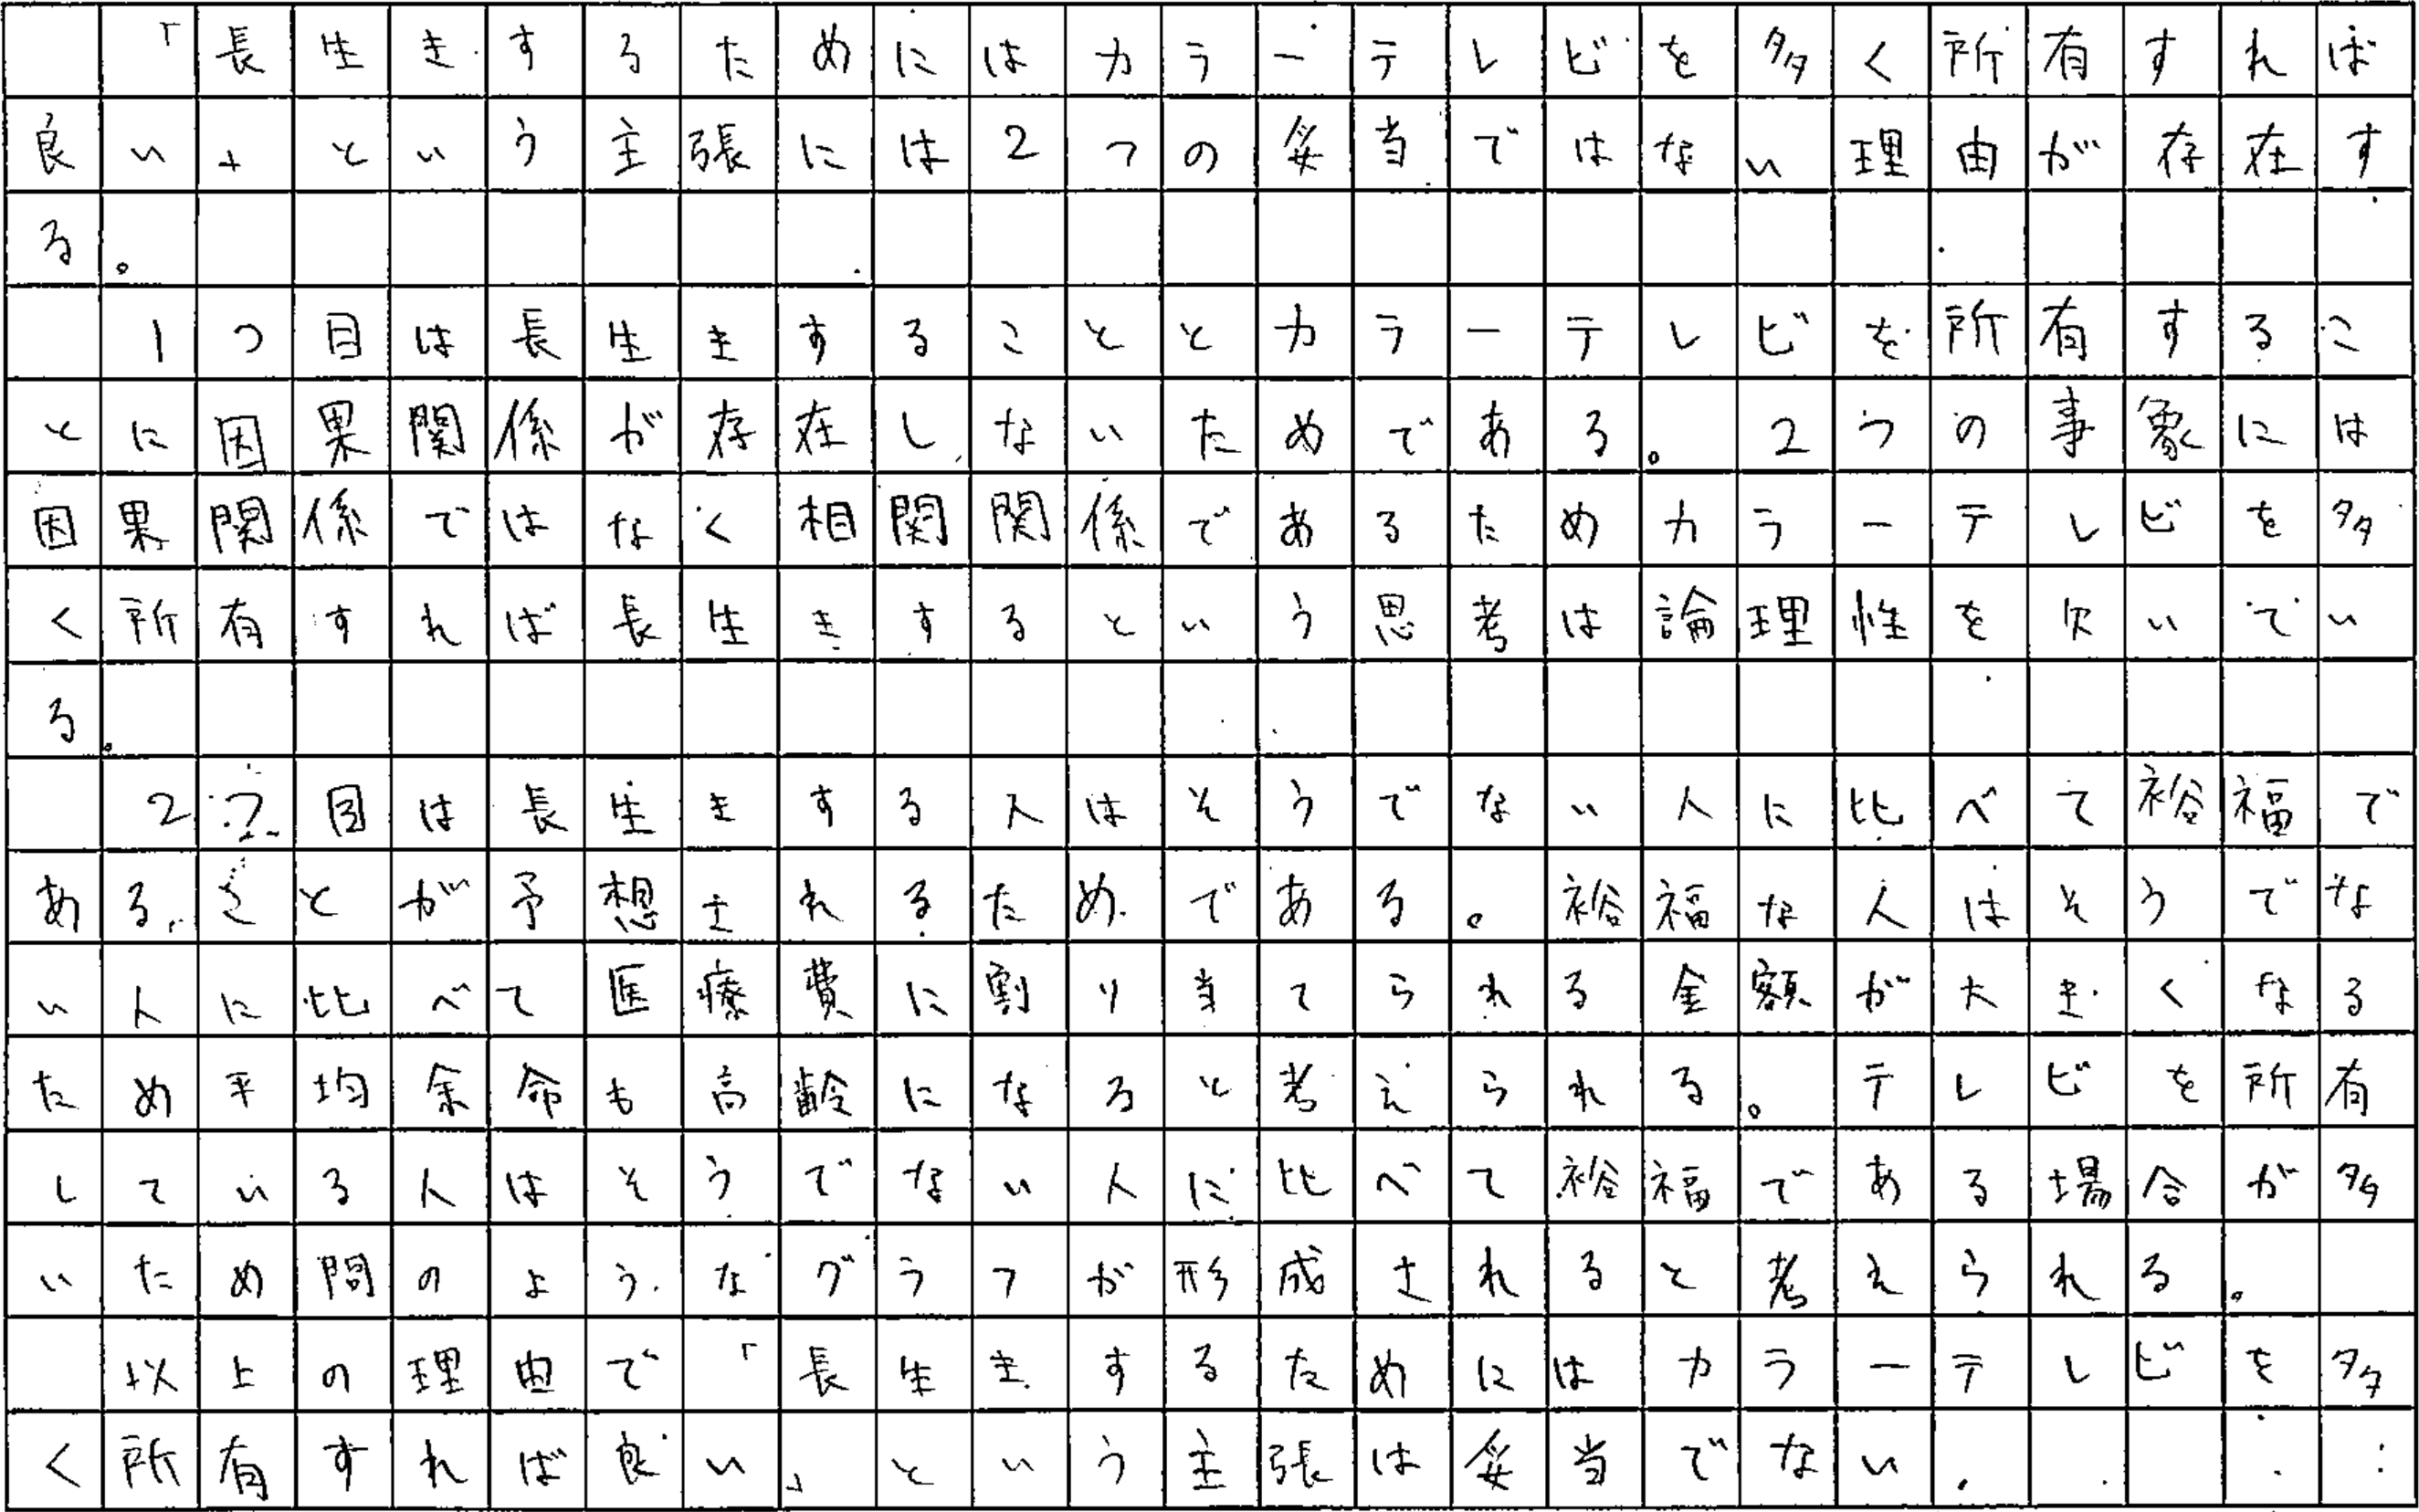　「長生きするためにはカラーテレビを多く所有すれば良い」という主張には２つの妥当ではない理由が存在する。
　１つ目は長生きすることとカラーテレビを所有することに因果関係が存在しないためである。２つの事象には因果関係ではなく相関関係であるためカラーテレビを多く所有すれば長生きするという思考は論理性を欠いている。
　２つ目は長生きする人はそうでない人に比べて裕福であることが予想されるためである。裕福な人はそうでない人に比べて医療費に割り当てられる金額が大きくなるため平均余命も高齢になると考えられる。テレビを所有している人はそうでない人に比べて裕福である場合が多いため問のようなグラフが形成されると考えられる。
　以上の理由で「長生きするためにはカラーテレビを多く所有すれば良い」という主張は妥当でない。
